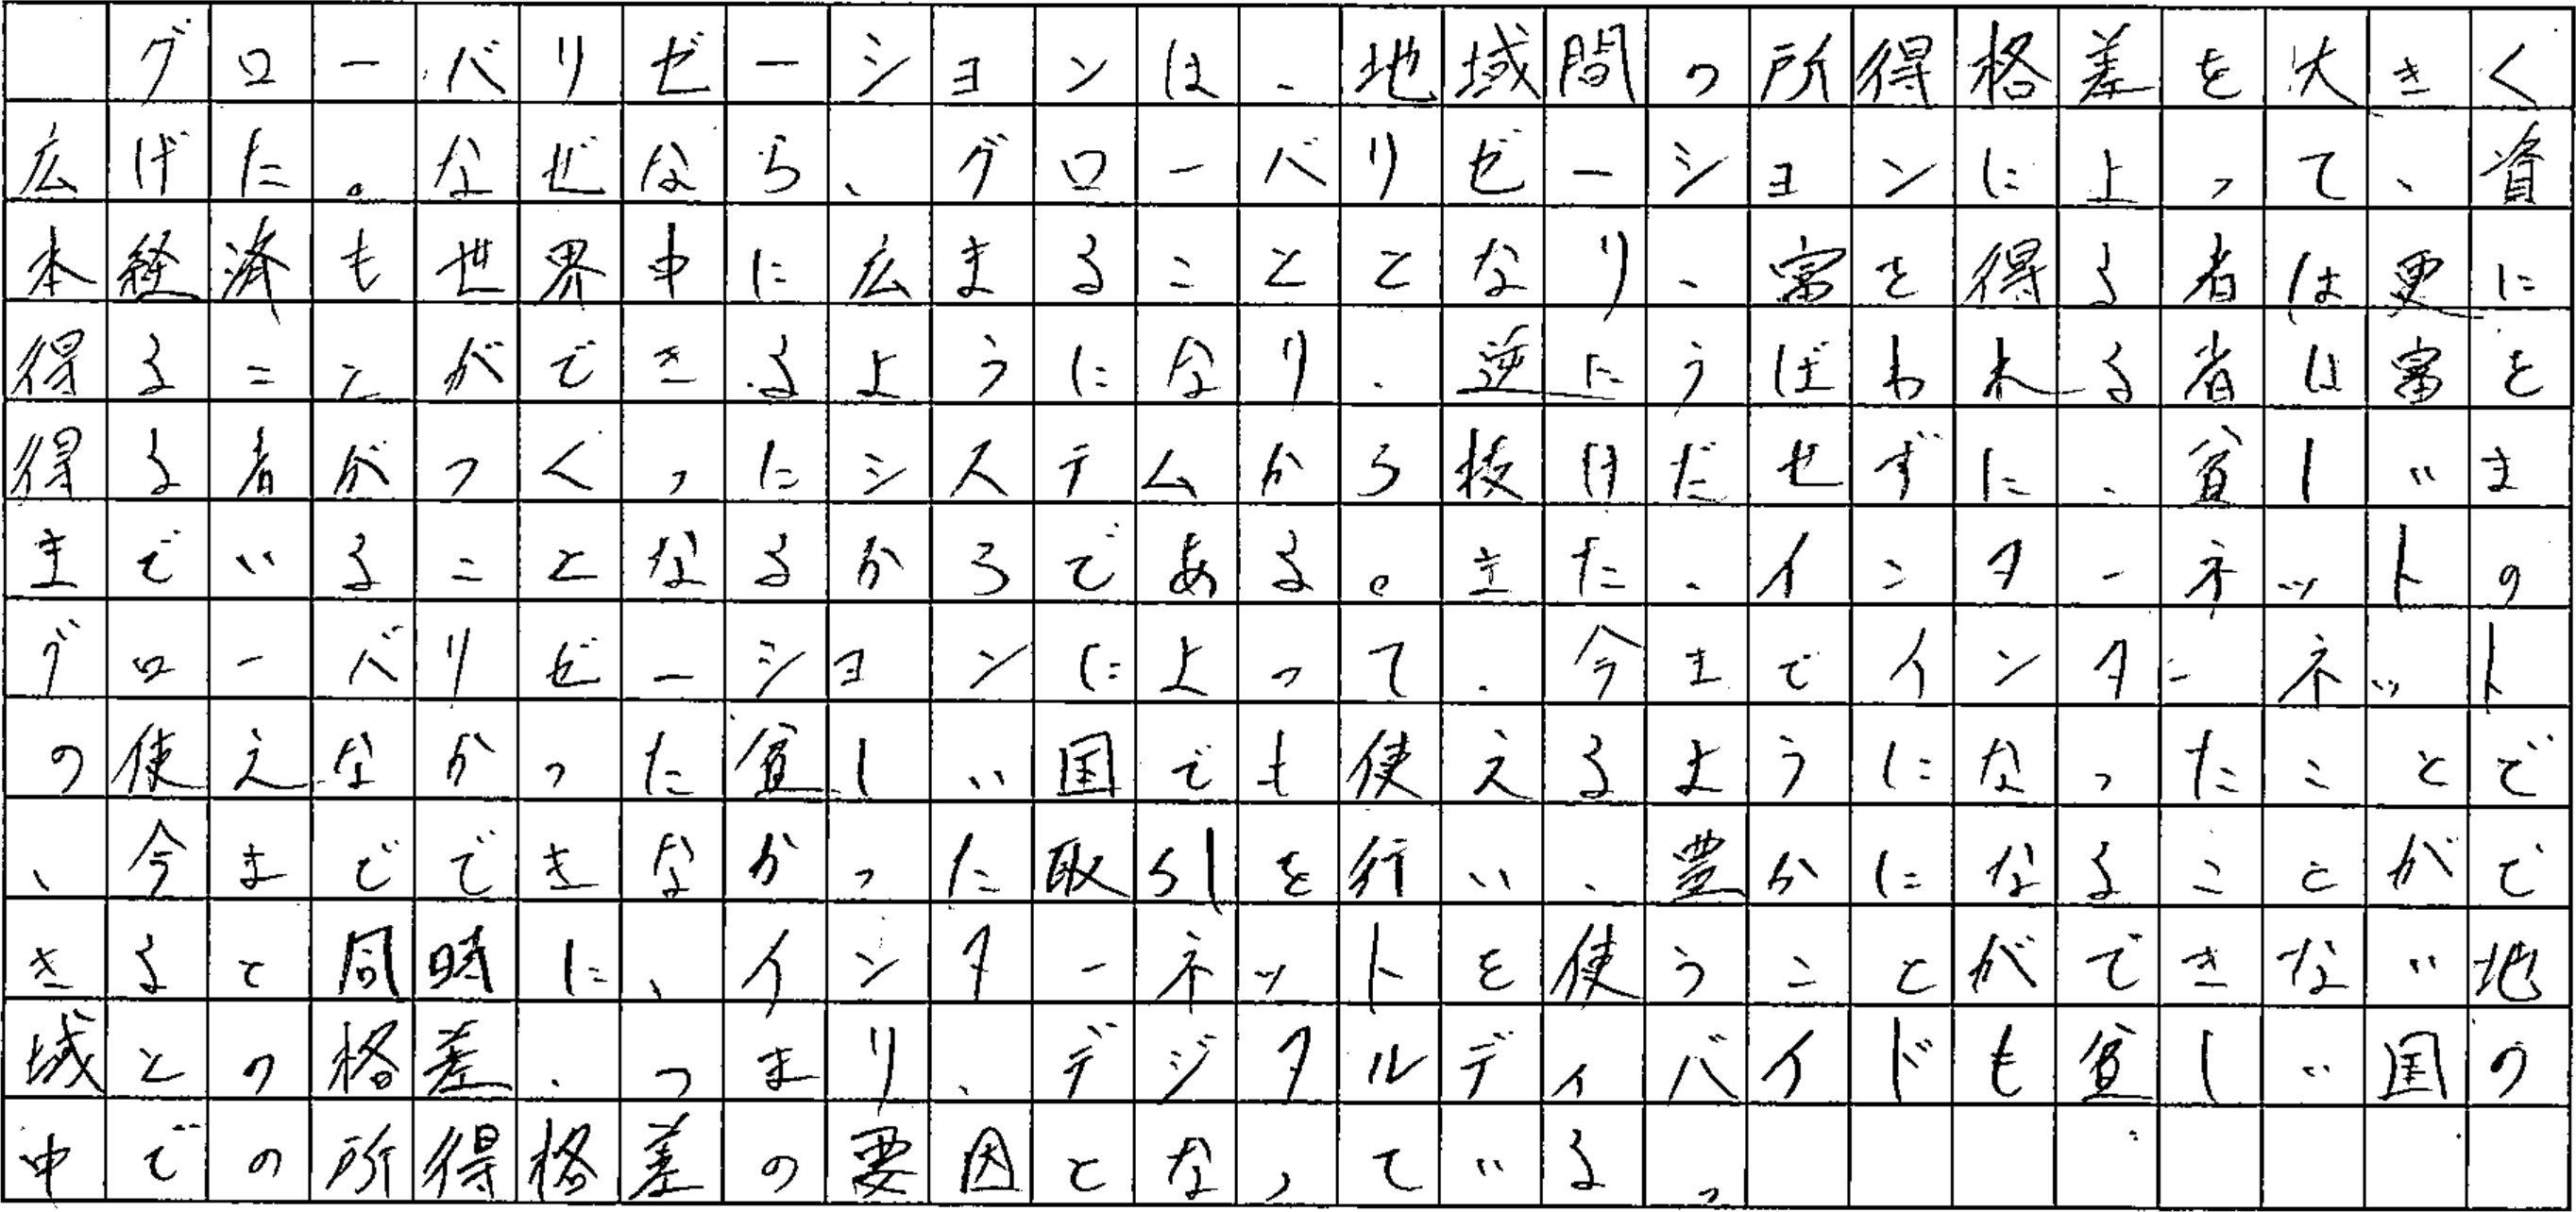　グローバリゼーションは、地域間の所得格差を大きく広げた。なぜなら、グローバリゼーションによって、資本経済も世界中に広まることとなり、富を得るものは更に得ることができるようになり、逆にうばわれる者は富を得る者がつくったシステムから抜けだせずに、貧しいままでいることなるからである。また、インターネットのグローバリゼーションによって、今までインターネットの使えなかった貧しい国でも使えるようになったことで、今までできなかった取引を行い、豊かになることができると同時に、インターネットを使うことができない地域との格差、つまり、デジタルディバイドも貧しい国の中での所得格差の要因となっている。
